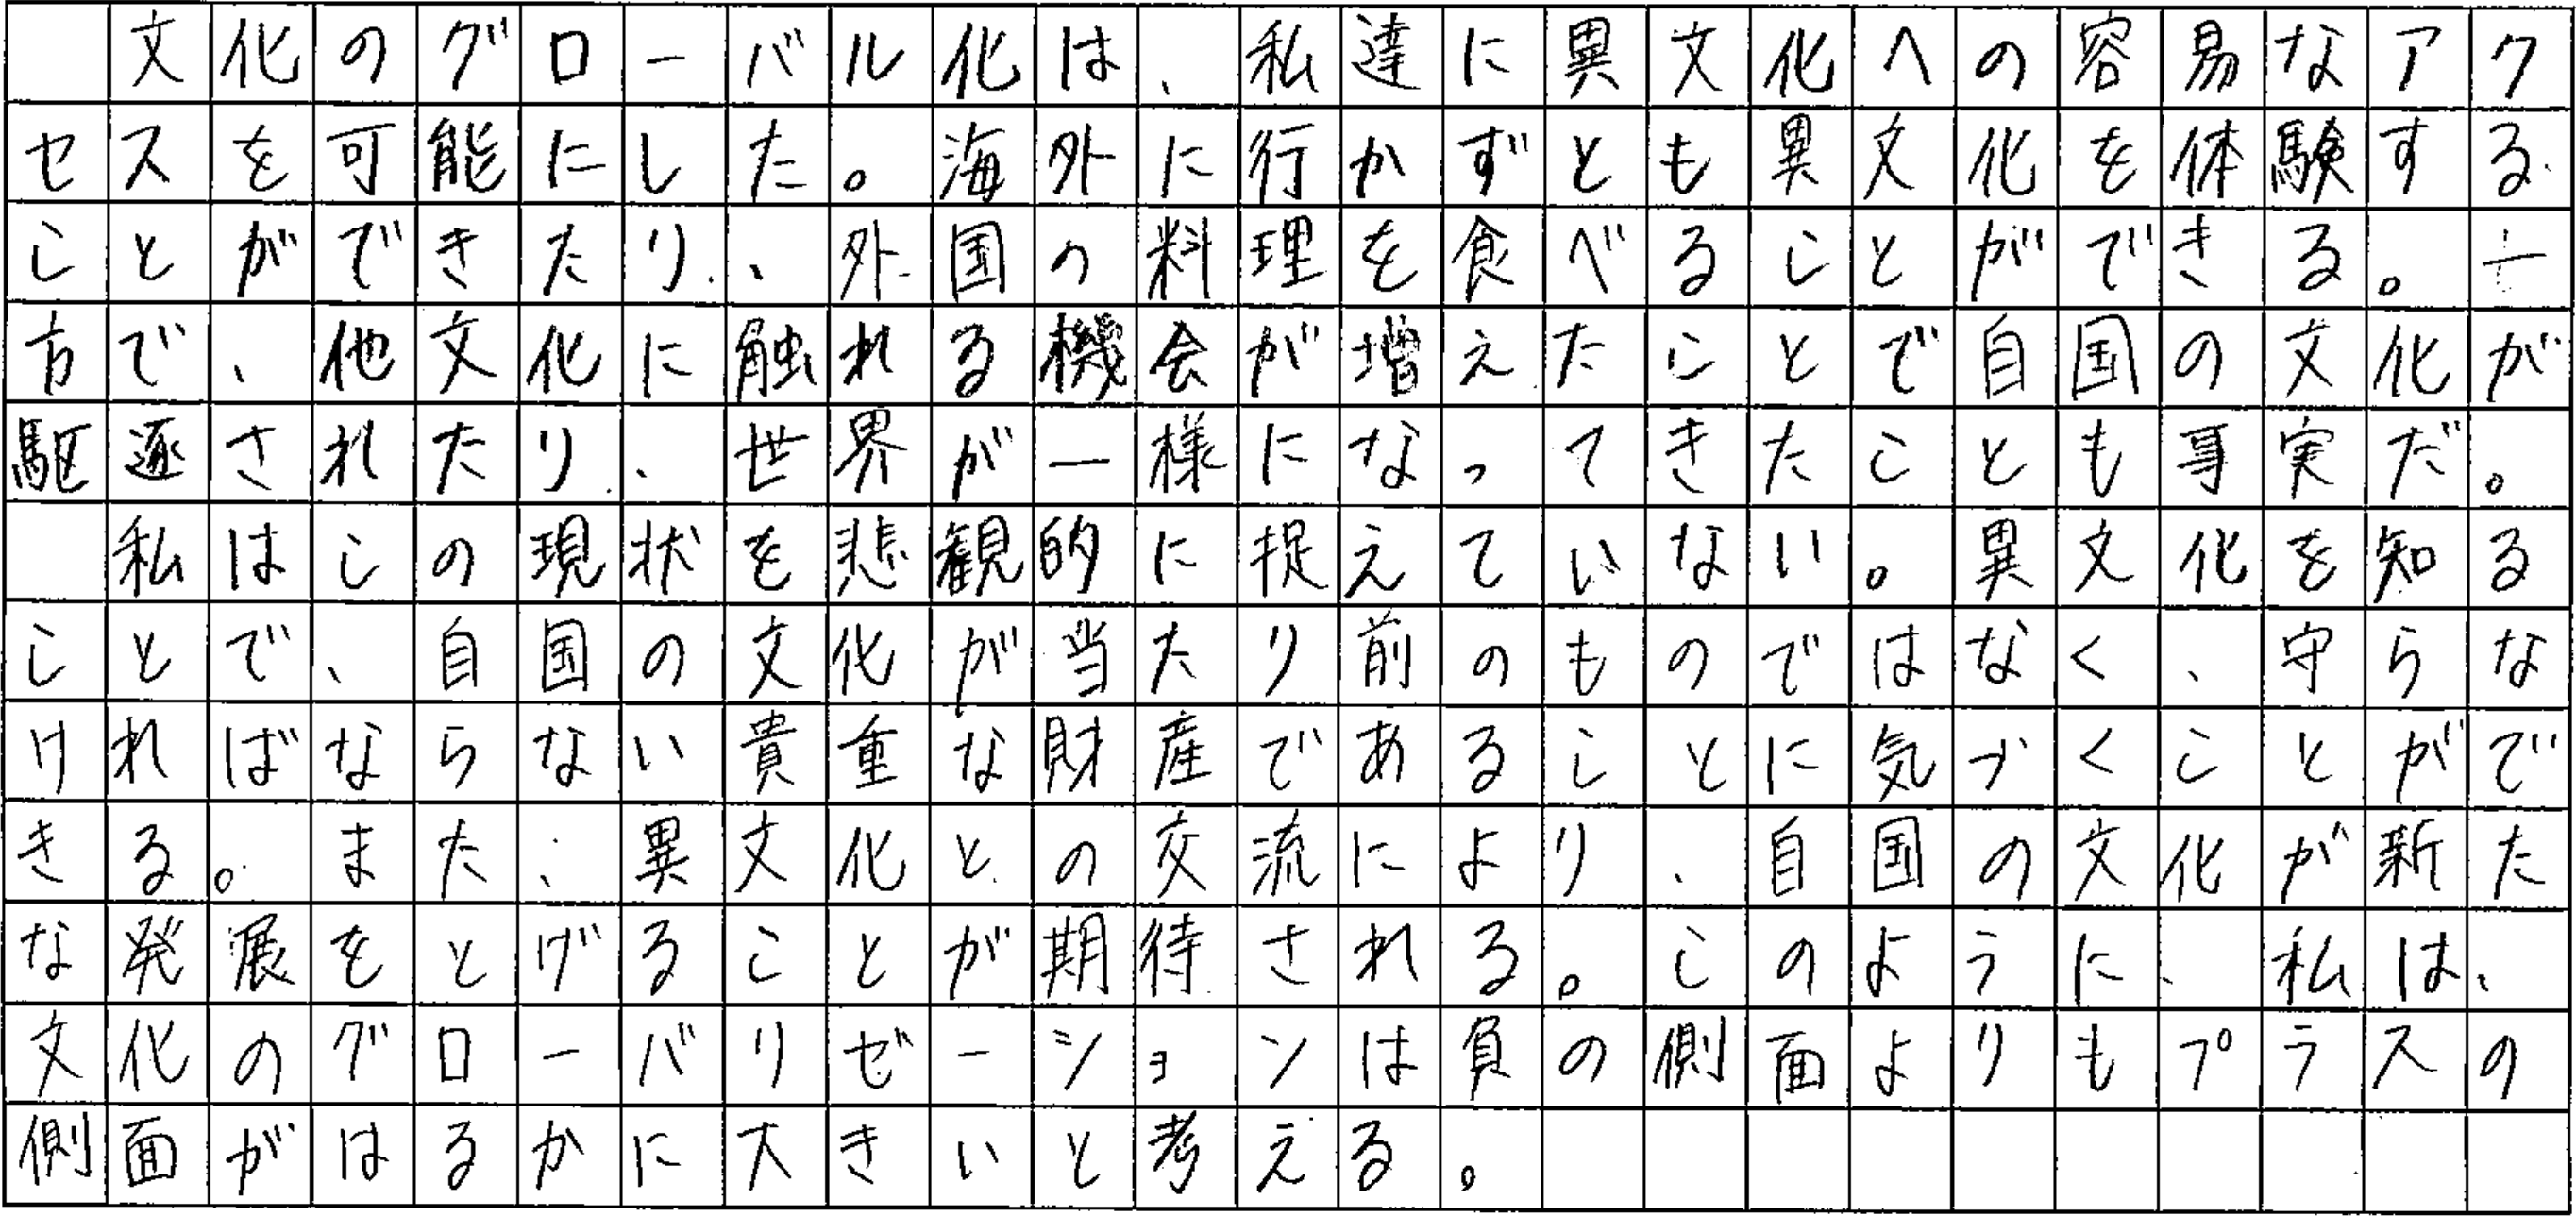  文化のグローバル化は、私達に異文化への容易なアクセスを可能にした。海外に行かずとも異文化を体験することができたり、外国の料理を食べることができる。一方で、他文化に触れる機会が増えたことで自国の文化が駆逐されたり、世界が一様になってきたことも事実だ。
  私はこの現状を悲観的に捉えていない。異文化を知ることで、自国の文化が当たり前のものではなく、守らなければならない貴重な財産であることに気づくことができる。また、異文化との交流により、自国の文化が新たな発展をとげることが期待される。このように、私は、文化のグローバリゼーションは負の側面よりもプラスの側面がはるかに大きいと考える。
